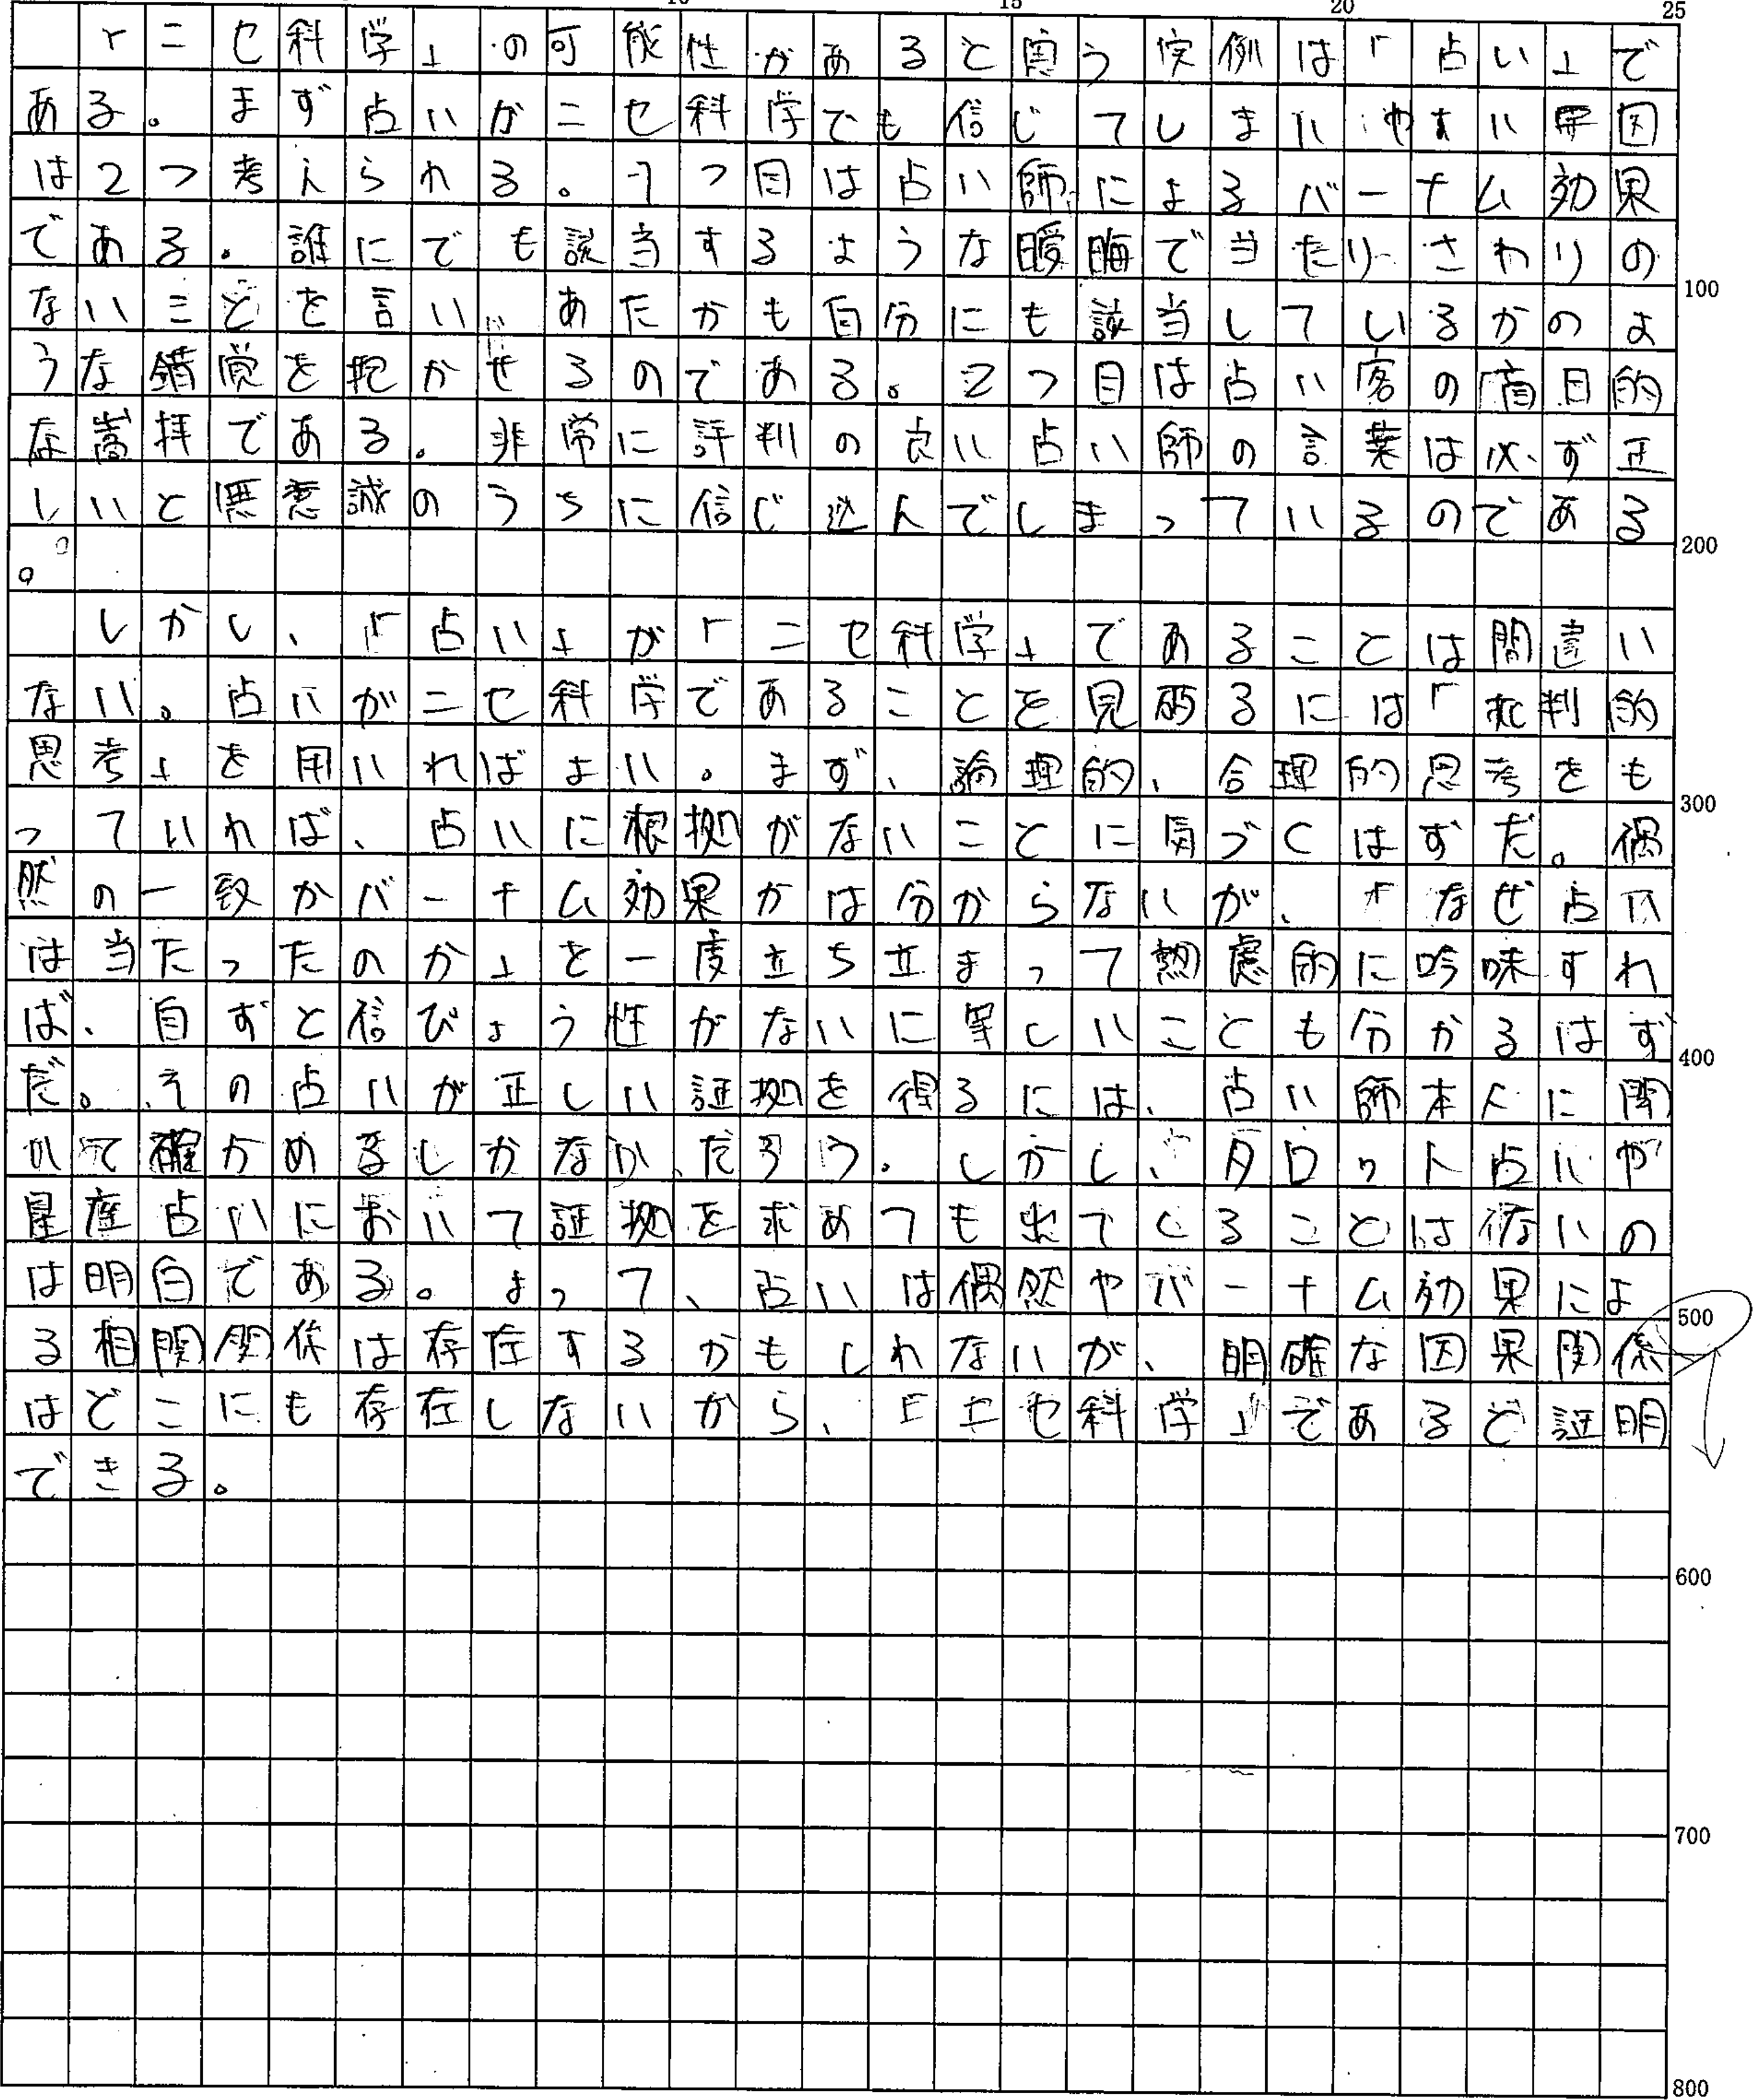　「ニセ科学」の可能性があると思う実例は「占い」である。まず占いがニセ科学でも信じてしまいやすい要因は２つ考えられる。１つ目は占い師によるバーナム効果である。誰にでも該当するような▁晦で当たりさわりのないことを言い、あたかも自分にも該当しているかのような錯覚を抱かせるのである。２つ目は占い客の盲目的な嵩拝である。非常に評判の良い占い師の言葉は必ず正しいと無意誠のうちに信じ込んでしまっているのである。
　しかし、「占い」が「ニセ科学」であることは間違いない。占いがニセ科学であることを見破るには「批判的思考」を用いればよい。まず、論理的、合理的思考をもっていれば、占いに根拠がないことに気づくはずだ。偶然の一致かバーナム効果かは分からないが、「なぜ占いは当たったのか」を一度立ち立まって▁慮的に吟味すれば、自ずと信ぴょう性がないに等しいことも分かるはずだ。その占いが正しい証拠を得るには、占い師本人に聞いて確かめるしかないだろう。しかし、タロット占いや星座占いにおいて証拠を求めても出てくることはないのは明白である。よって、占いは偶然やバーナム効果による相関関係は存在するかもしれないが、明確な因果関係はどこにも存在しないから、「ニセ科学」であると証明できる。
